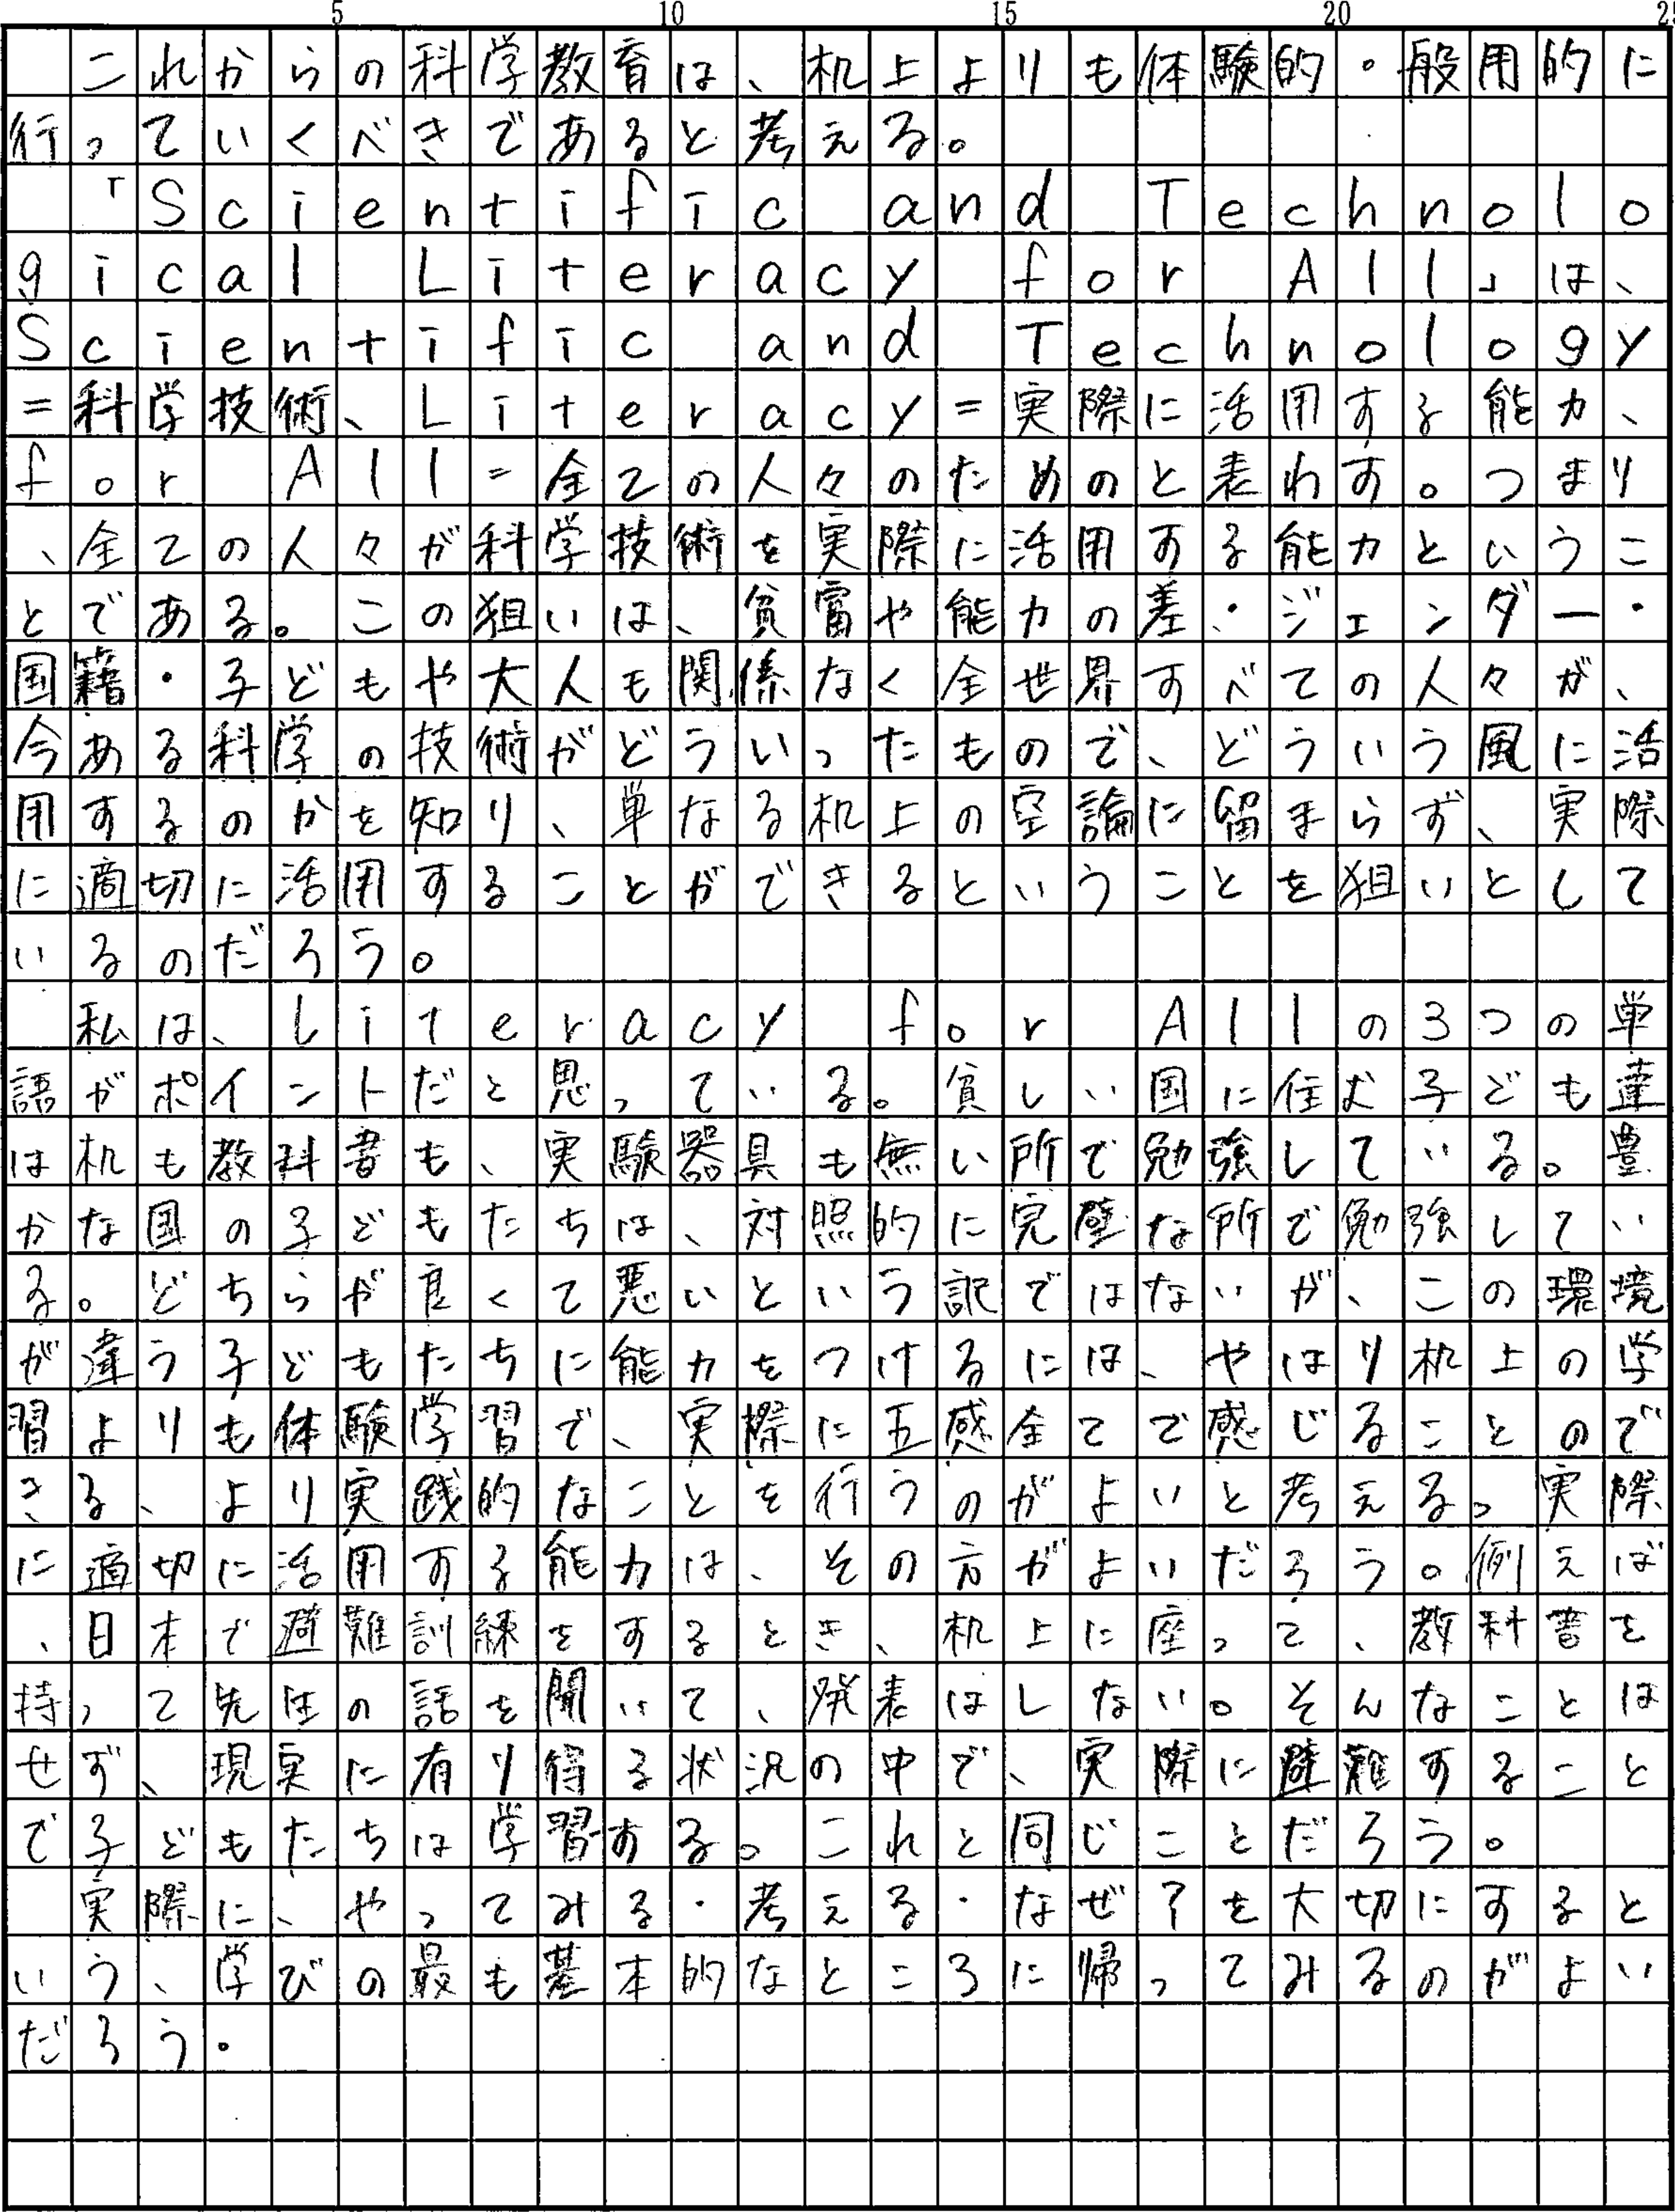　これからの科学教育は、机上よりも体験的・般用的に行っていくべきであると考える。
　「Ｓｃｉｅｎｔｉｆｉｃ　ａｎｄ　Ｔｅｃｈｎｏｌｏｇｉｃａｌ　Ｌｉｔｅｒａｃｙ　ｆｏｒ　Ａｌｌ」は、Ｓｃｉｅｎｔｉｆｉｃ　ａｎｄ　Ｔｅｃｈｎｏｌｏｇｙ＝科学技術、Ｌｉｔｅｒａｃｙ＝実際に活用する能力、ｆｏｒ　Ａｌｌ＝全ての人々のためのと表わす。つまり、全ての人々が科学技術を実際に活用する能力ということである。この狙いは、貧富や能力の差・ジェンダー・国籍・子どもや大人も関係なく全世界すべての人々が、今ある科学の技術がどういったもので、どういう風に活用するのかを知り、単なる机上の空論に留まらず、実際に適切に活用することができるということを狙いとしているのだろう。
　私は、Ｌｉｔｅｒａｃｙ　ｆｏｒ　Ａｌｌの３つの単語がポイントだと思っている。貧しい国に住む子ども達は机も教科書も、実験器具も無い所で勉強している。豊かな国の子どもたちは、対照的に完璧な所で勉強している。どちらが良くて悪いという訳ではないが、この環境が違う子どもたちに能力をつけるには、やはり机上の学習よりも体験学習で、実際に五感全てで感じることのできる、より実践的なことを行うのがよいと考える。実際に適切に活用する能力は、その方がよいだろう。例えば、日本で避難訓練をするとき、机上に座って、教科書を持って先生の話を聞いて、発表はしない。そんなことはせず、現実に有り得る状況の中で、実際に避難することで子どもたちは学習する。これと同じことだろう。
　実際に、やってみる・考える・なぜ？を大切にするという、学びの最も基本的なところに帰ってみるのがよいだろう。
